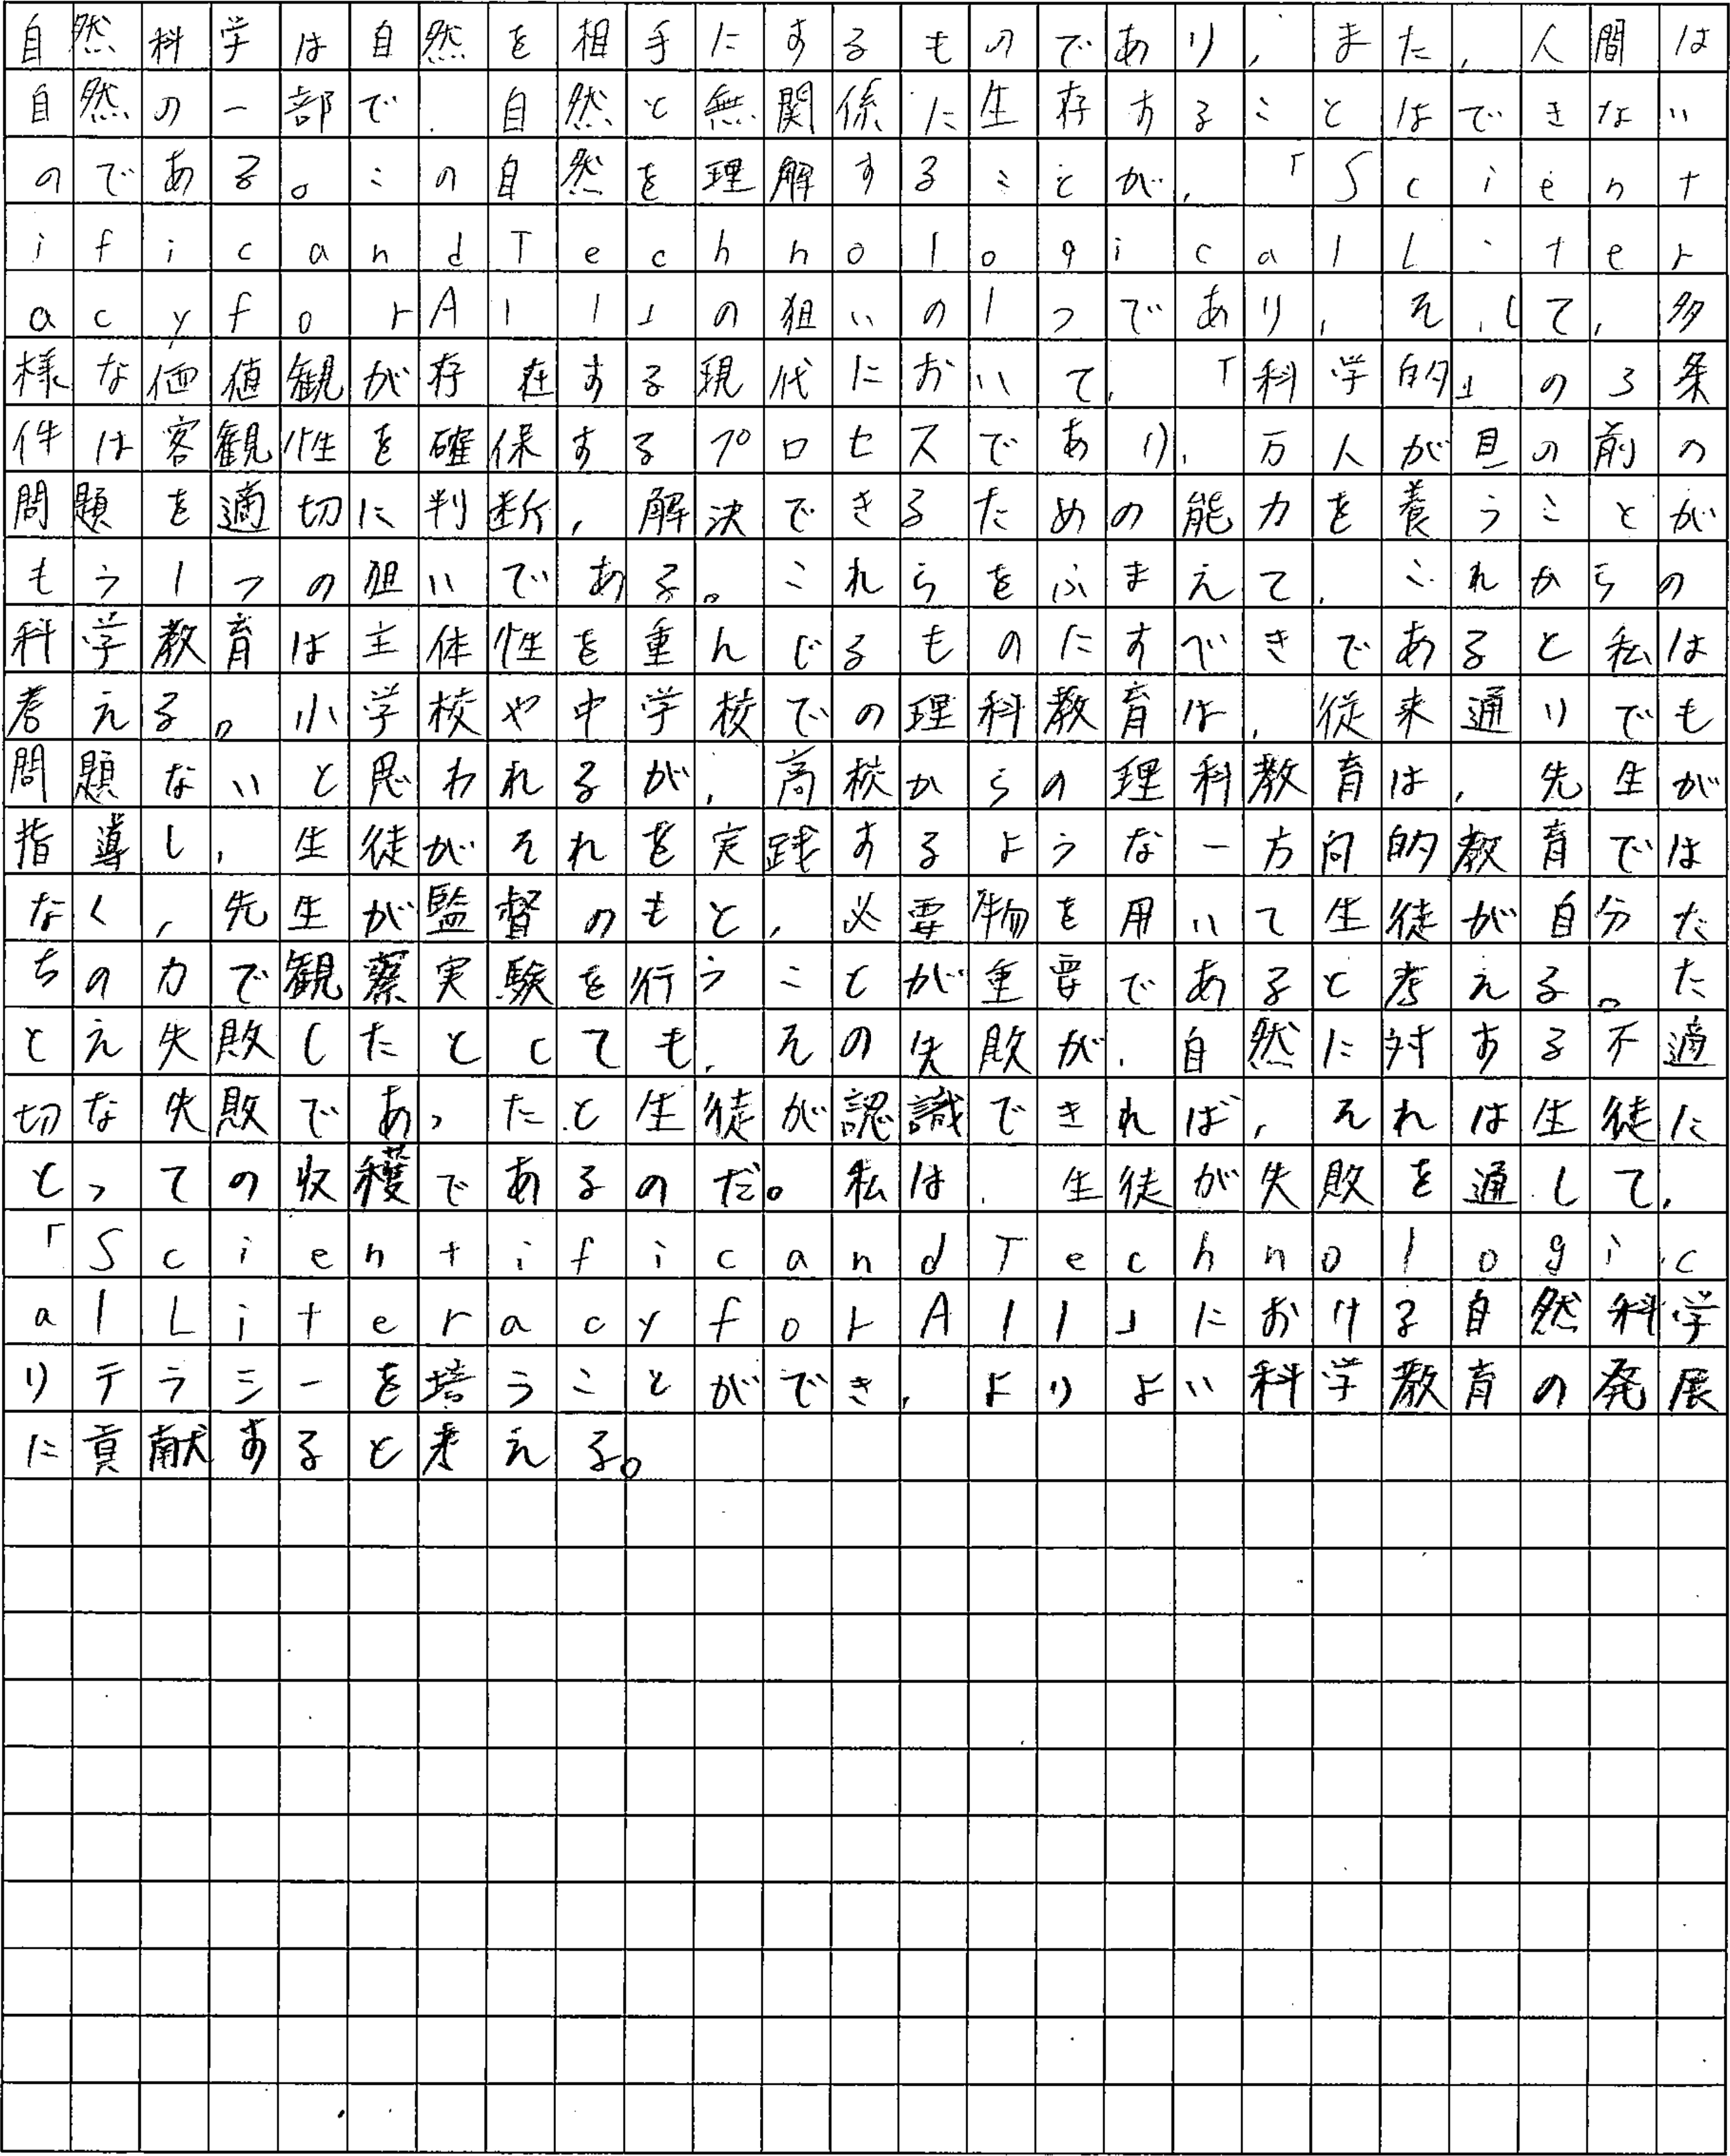自然科学は自然を相手にするものであり、また、人間は自然の一部で、自然と無関係に生存することはできないのである。この自然を理解することが、「ＳｃｉｅｎｔｉｆｉｃａｎｄＴｅｃｈｎｏｌｏｇｉｃａｌＬ▁ｔｅｒａｃｙｆｏｒＡｌｌ」の狙いの１つであり、そして、多様な価値観が存在する現代において、「科学的」の３条件は客観性を確保するプロセスであり、万人が目の前の問題を適切に判断、解決できるための能力を養うことがもう一つの狙いである。これらをふまえて、これからの科学教育は主体性を重んじるものにすべきであると私は考える。小学校や中学校での理科教育は、従来通りでも問題ないと思われるが、高校からの理科教育は、先生が指導し、生徒がそれを実践するような一方向的教育ではなく、先生が監督のもと、必要物を用いて生徒が自分たちの力で観察実験を行うことが重要であると考える。たとえ失敗したとしても、その失敗が、自然に対する不適切な失敗であったと生徒が認識できれば、それは生徒にとっての収穫であるのだ。私は、生徒が失敗を通して、「ＳｃｉｅｎｔｉｆｉｃａｎｄＴｅｃｈｎｏｌｏｇｉｃａｌＬｉｔｅｒａｃｙｆｏｒＡｌｌ」における自然科学リテラシーを培うことができ、よりよい科学教育の発展に貢献すると考える。
